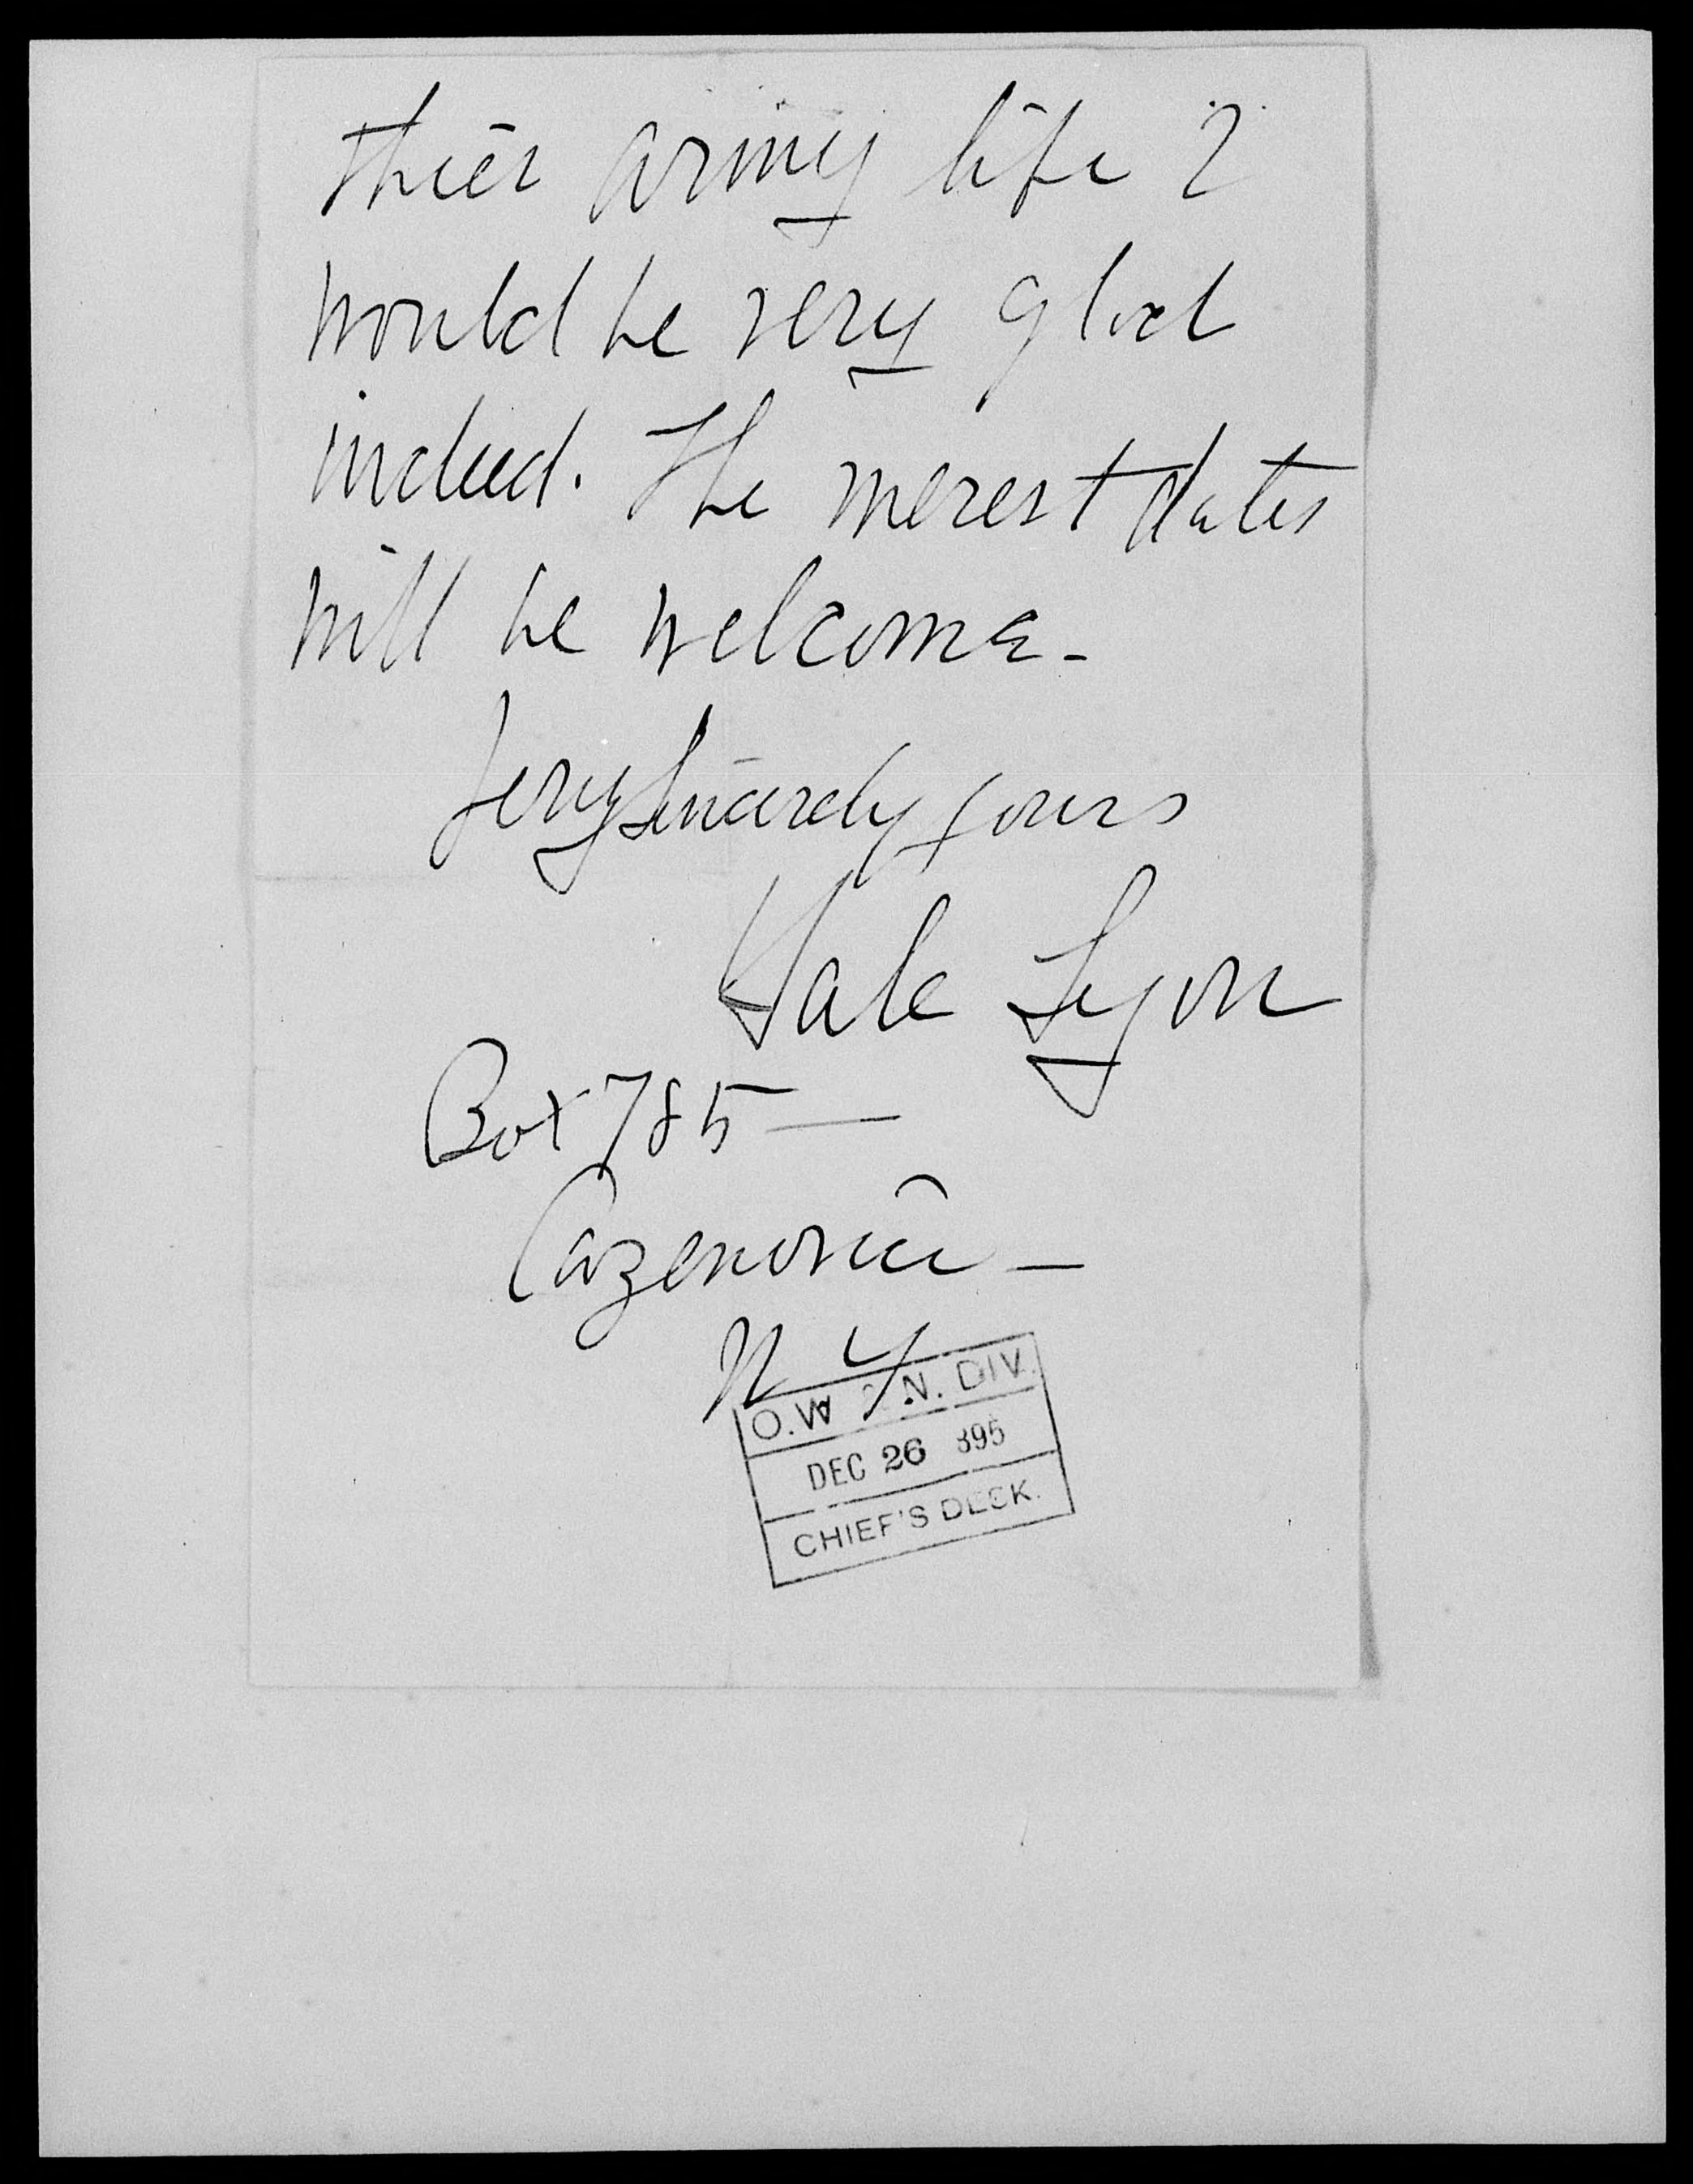thier army life I would be very glad indeed. The merest dates will be welcome.
Very Sincerely yours
Yale Lyon
Box 785 -
Cazenovia -
N.Y.
[Stamp reads:]
O.W & N. DIV
DEC 26 895
CHIEF'S DESK.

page: 21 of 40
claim: widow's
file: W. 24,615, for Ebenezer Lyon, Connecticut